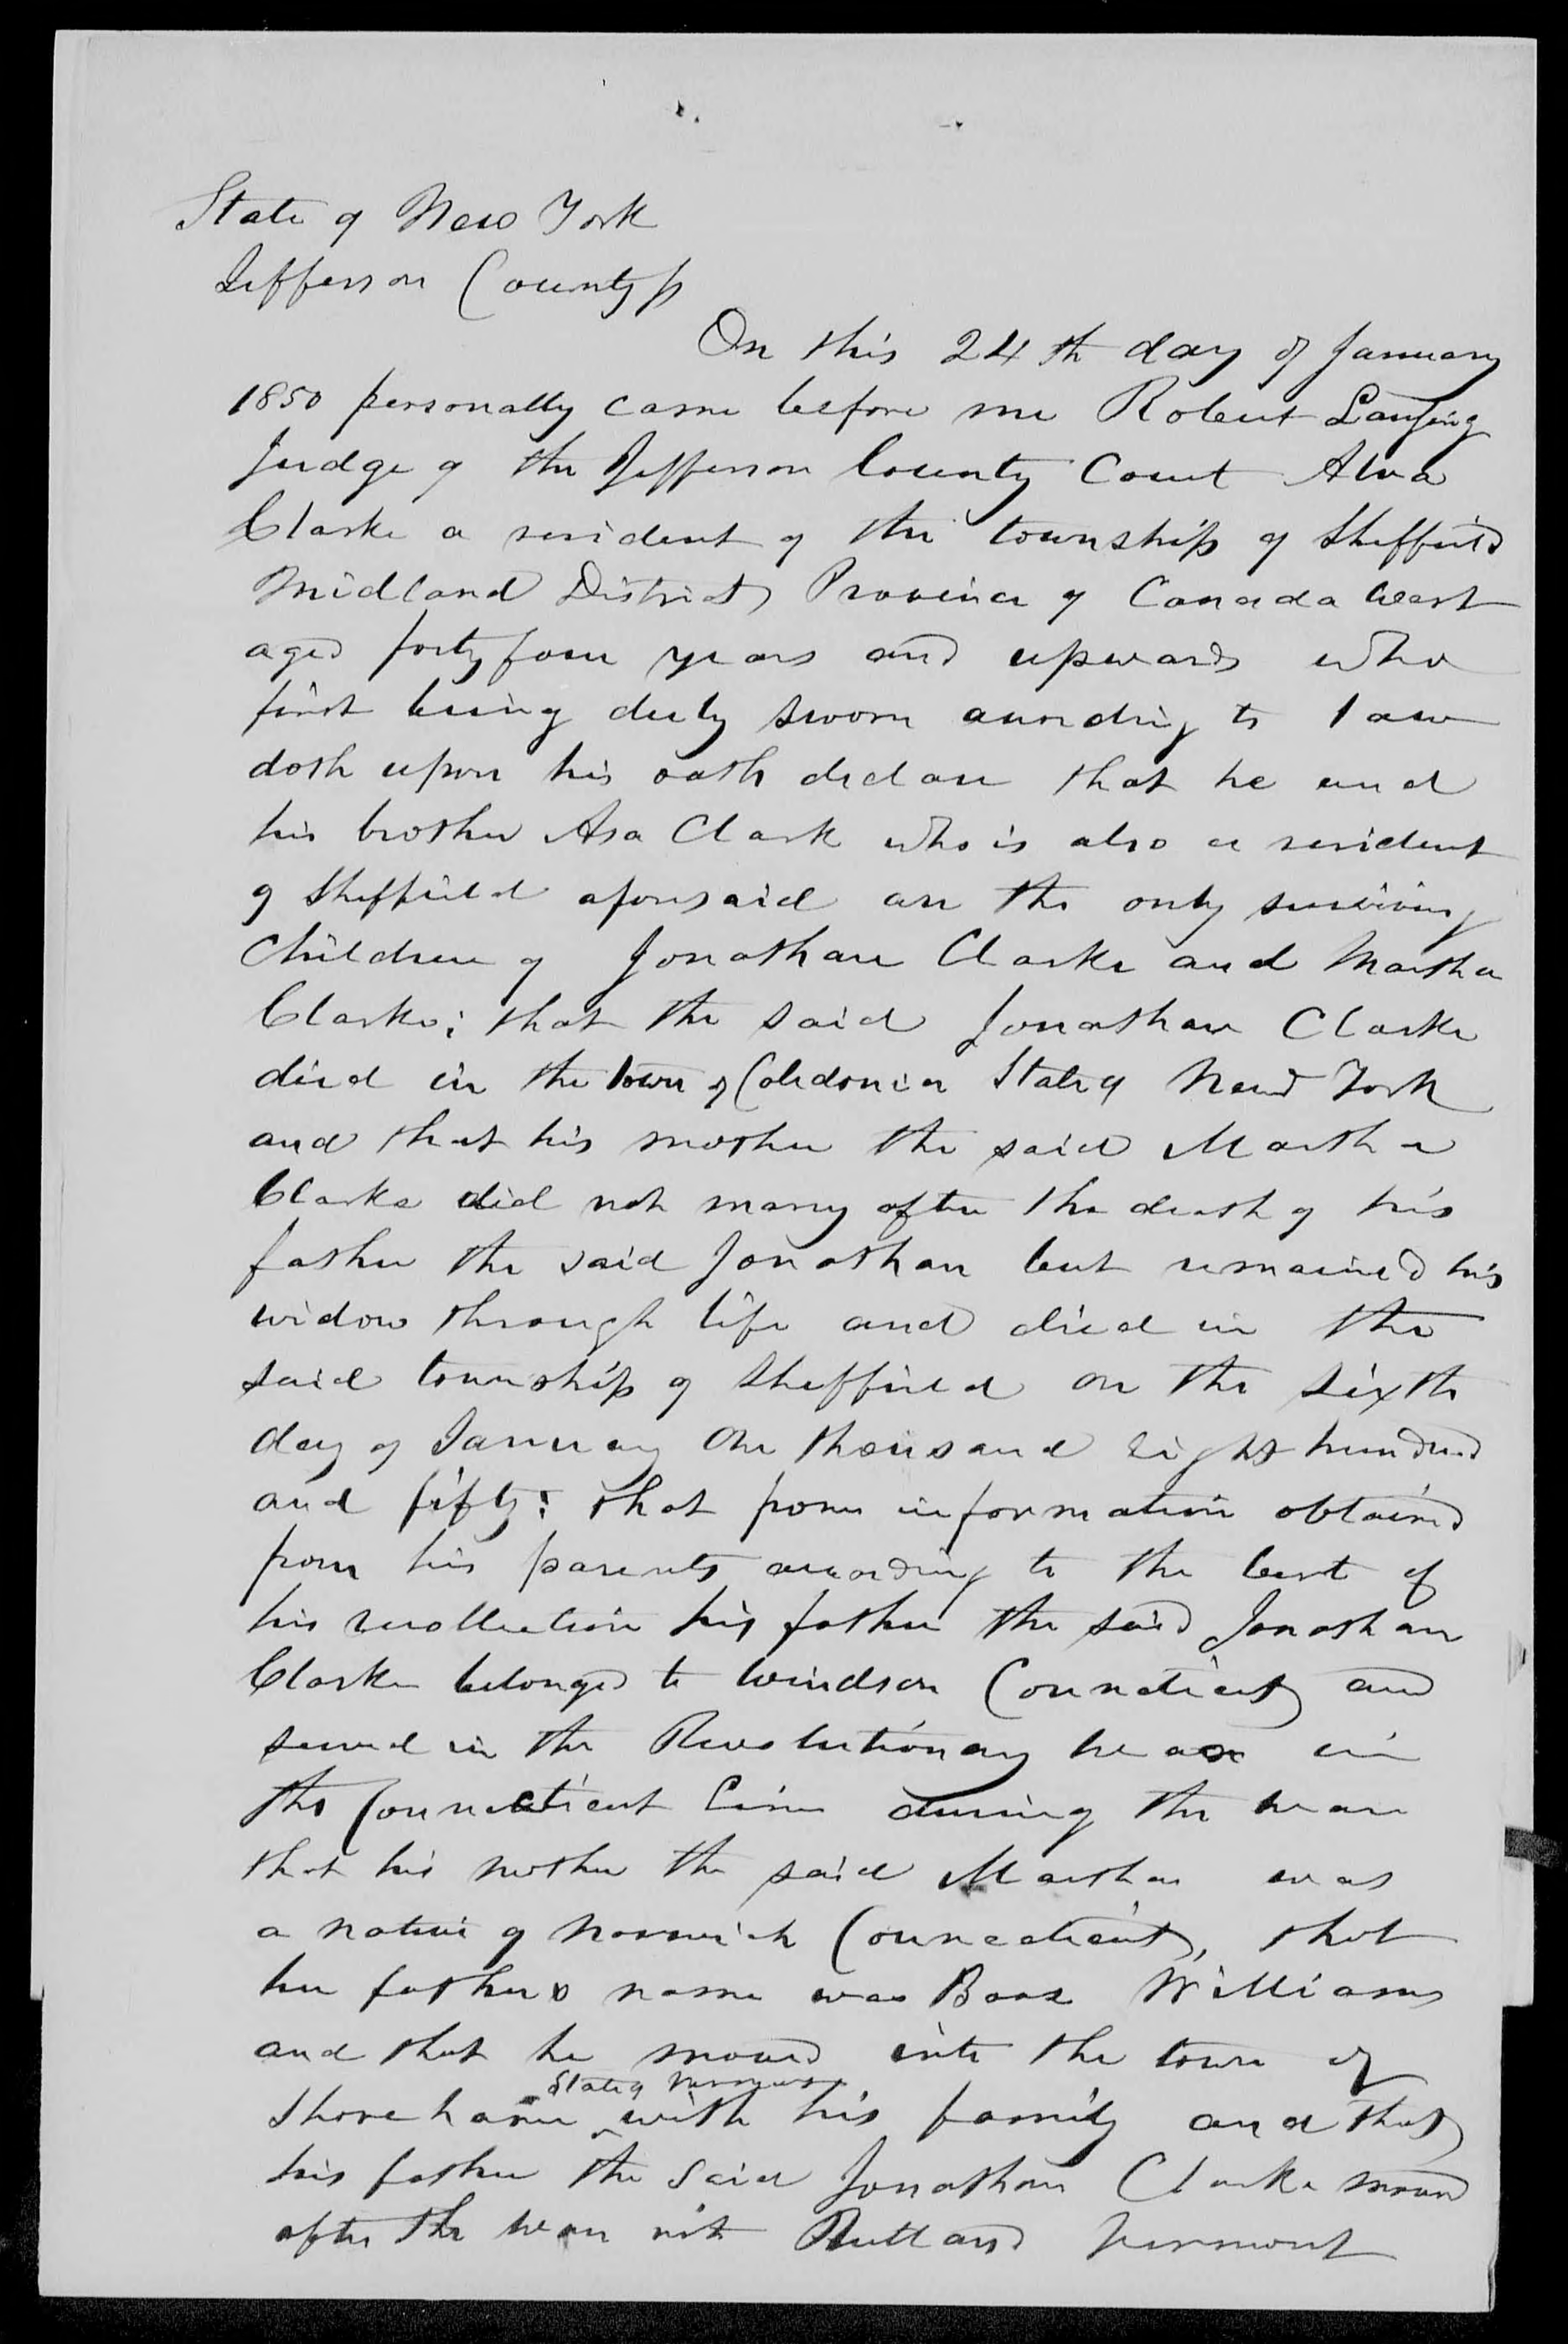State of New York
Jefferson County Ss
On this 24th day of January 1850 personally came before me Robert Lansing Judge of the Jefferson County Court Alva Clarke a resident of the township of Sheffield Midland District Province of Canada West aged forty four years and upwards who first being duly sworn according to law doth upon his oath declare that he and his brother Asa Clark who is also a resident of Sheffield aforesaid are the only surviving children of Jonathan Clarke and Martha Clarke; that the said Jonathan Clarke died in the town of Caledonia State of New York and that his mother the said Martha Clark did not marry after the death of his father the said Jonathan but remained his widow through life and died in the said township of Sheffield on the sixth day of January one thousand eight hundred and fifty: that from information obtained from his parents according to the best of his recollection his father the said Jonathan Clarke belonged to Windsor Connecticut and served in the Revolutionary he was in the Connecticut Line during the war that his mother the said Martha was a native of Norwich Connecticut, that her father's name was Bors Williams and that he moved into the town of Shoreham State of Vermont with his family and that his father the said Jonathan Clarke moved after the war into Rutland Vermont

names: Jonathan Clarke, Jonathan Clarke, Asa Clark, Robert Lansing, Alva Clarke, Jonathan, Jonathan Clarke, Martha Clarks, Williams, Martha Clarke, Martha, Jonathan Clarke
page: 23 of 26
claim: rejected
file: R. 2001, Jonathan Clark, Conn.